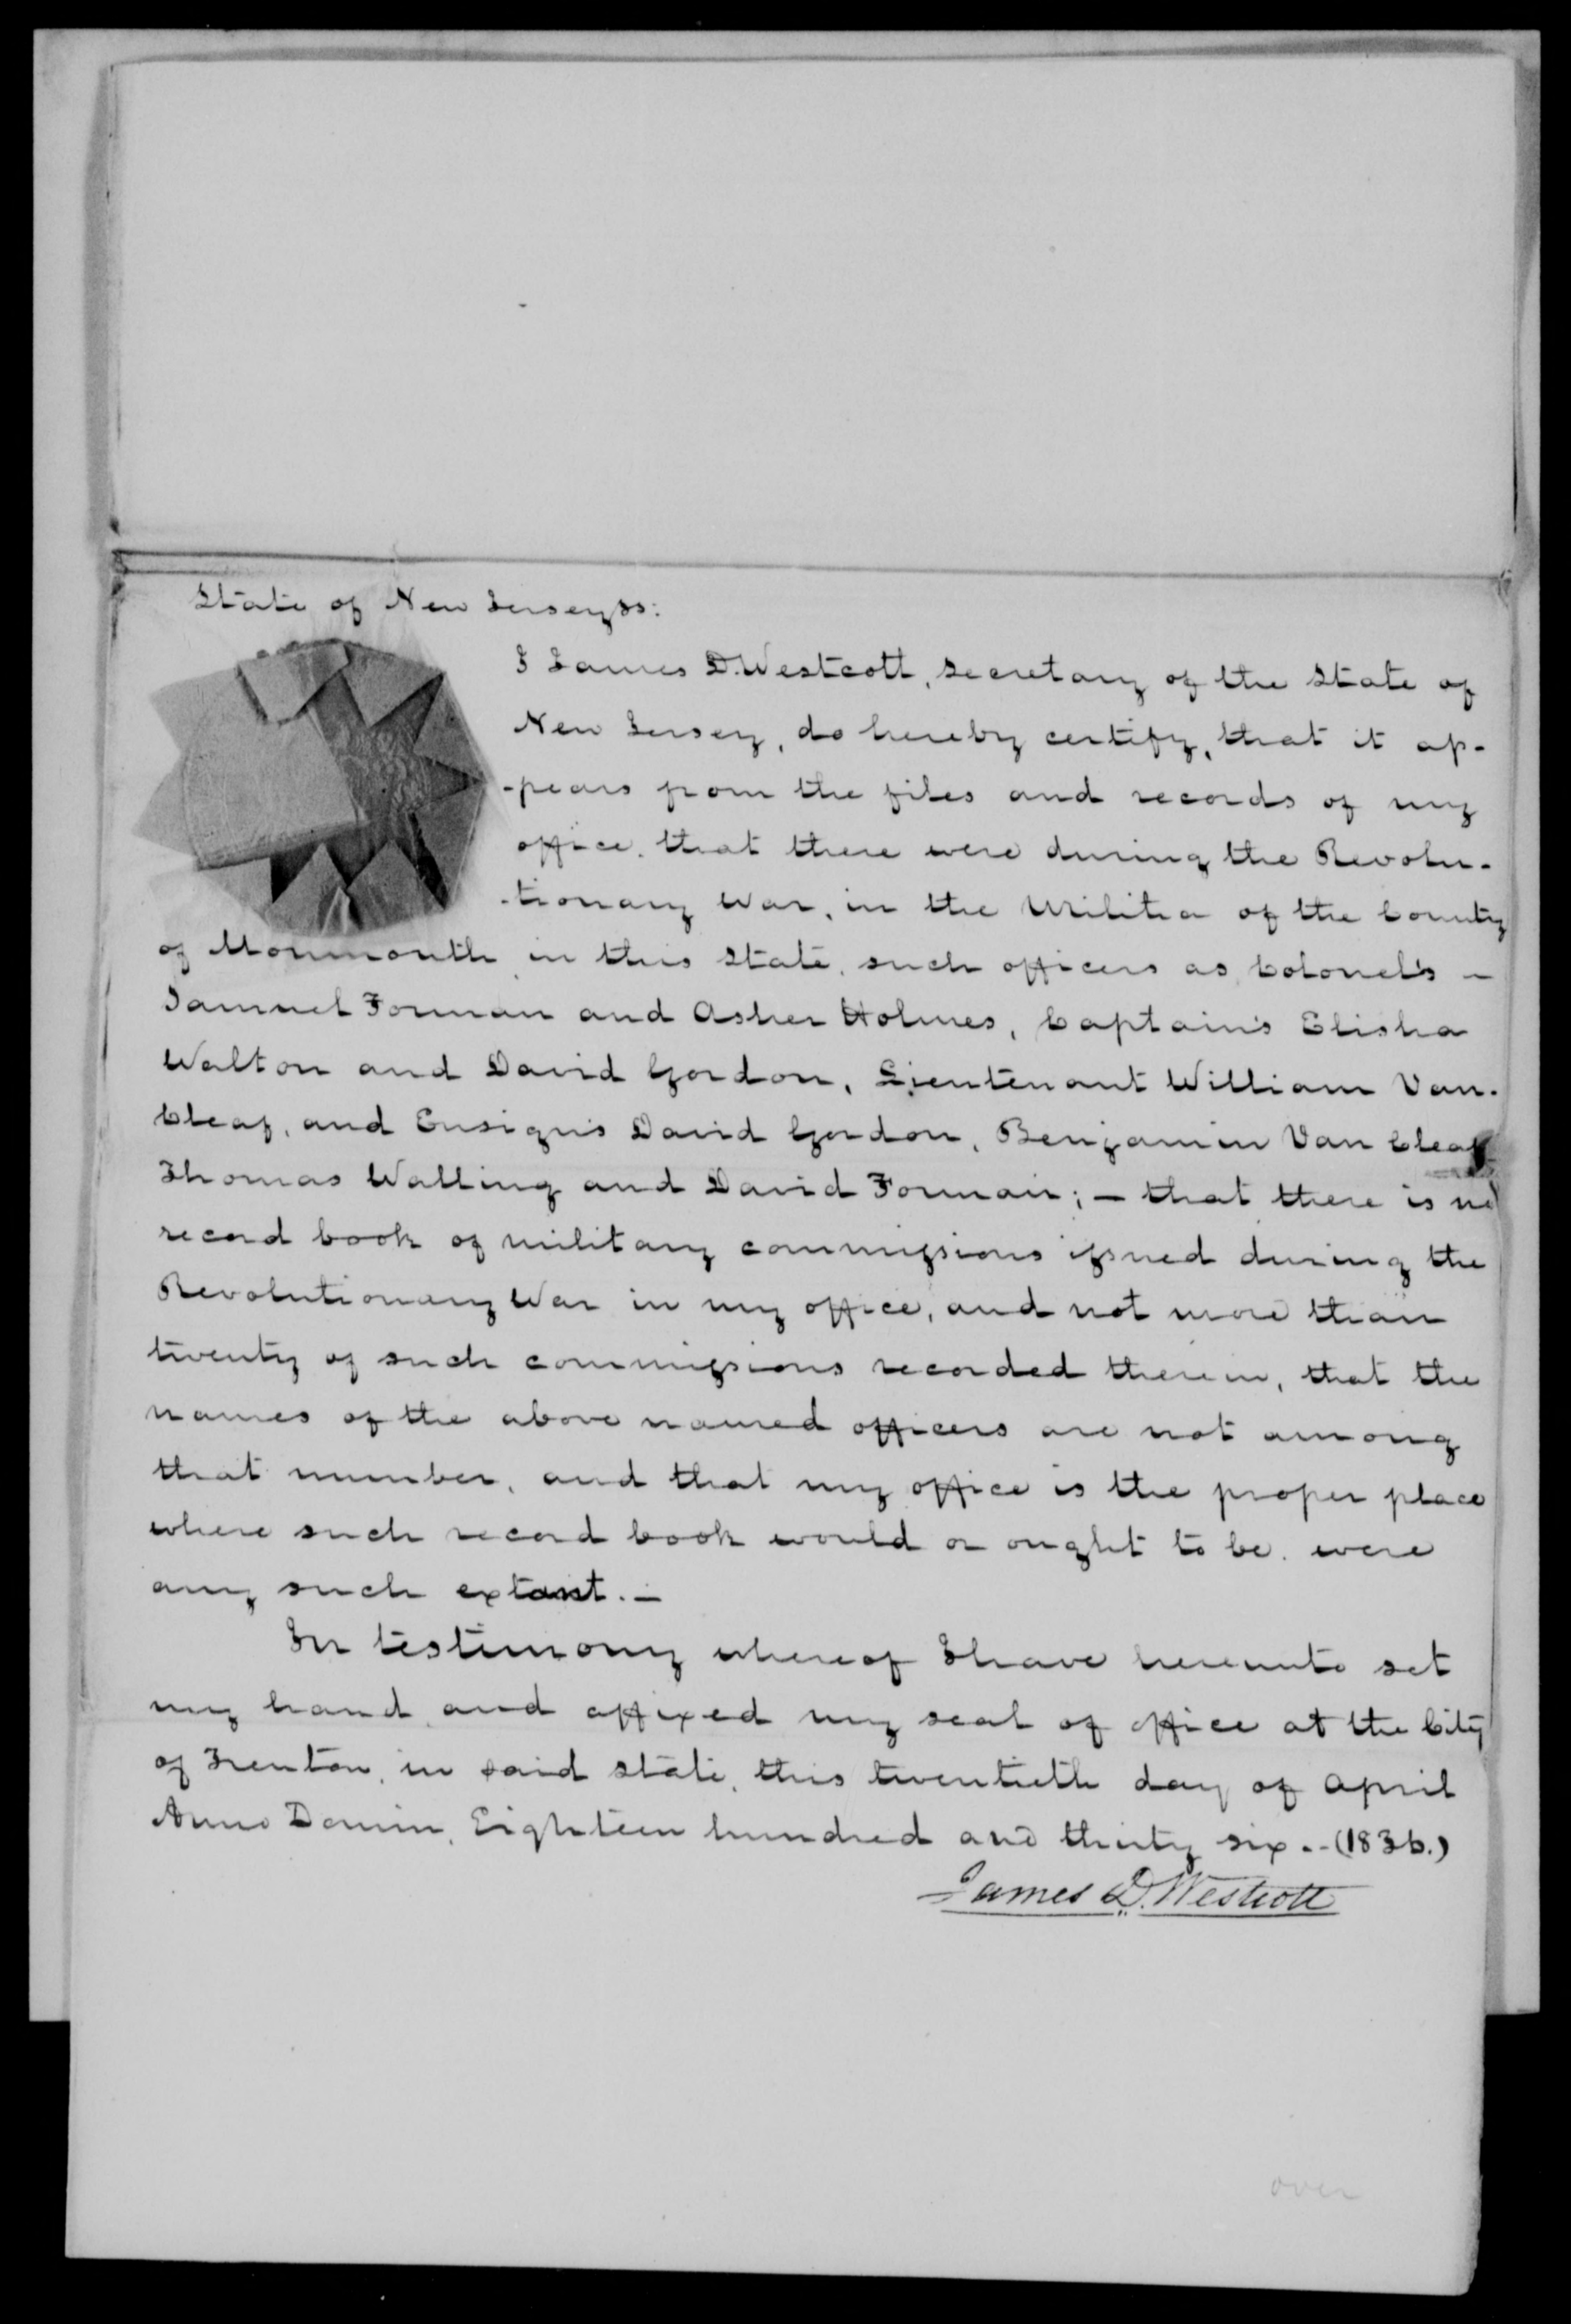State of New Jersey:

I, James D. Westcott, Secretary of the State of New Jersey, do hereby certify that it appears from the files and records of my office that there were during the Revolutionary War, in the (?) or of the County of Monmouth in this state, such officers as colonels Samuel Forman and Asher Holmes, captains Elisha Walton and David Gordon, Lieutenant William Van Cleaf, and ensigns David Gordon, Benjamin Van Cleaf, Thomas Walling and David Forman;--that there is no record book of military commissions (verb) during the Revolutionary War in my office, and not more than twenty of such commissions recorded therein, that the names of the above named officers are not among that number, and that my office is the proper place where such record book would or ought to be were any such to exist.

In testimony whereof I have hereunto set my hand and affixed my seal of office at the city of Trenton, in said state, this twentieth day of april, Anno Domini, eighteen hundred and thirty six (1836).

(signed) James D. Westcott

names: William Van Cleaf, Thomas Walling, David Gordon, Asher Holmes, James D Westcott, David Gordon, Benjamin Van Cleaf, James D Westcott, Elisha Walton, Samuel Forman, David Forman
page: 65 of 66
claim: widow's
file: W. 19588, William Walling, New Jersey